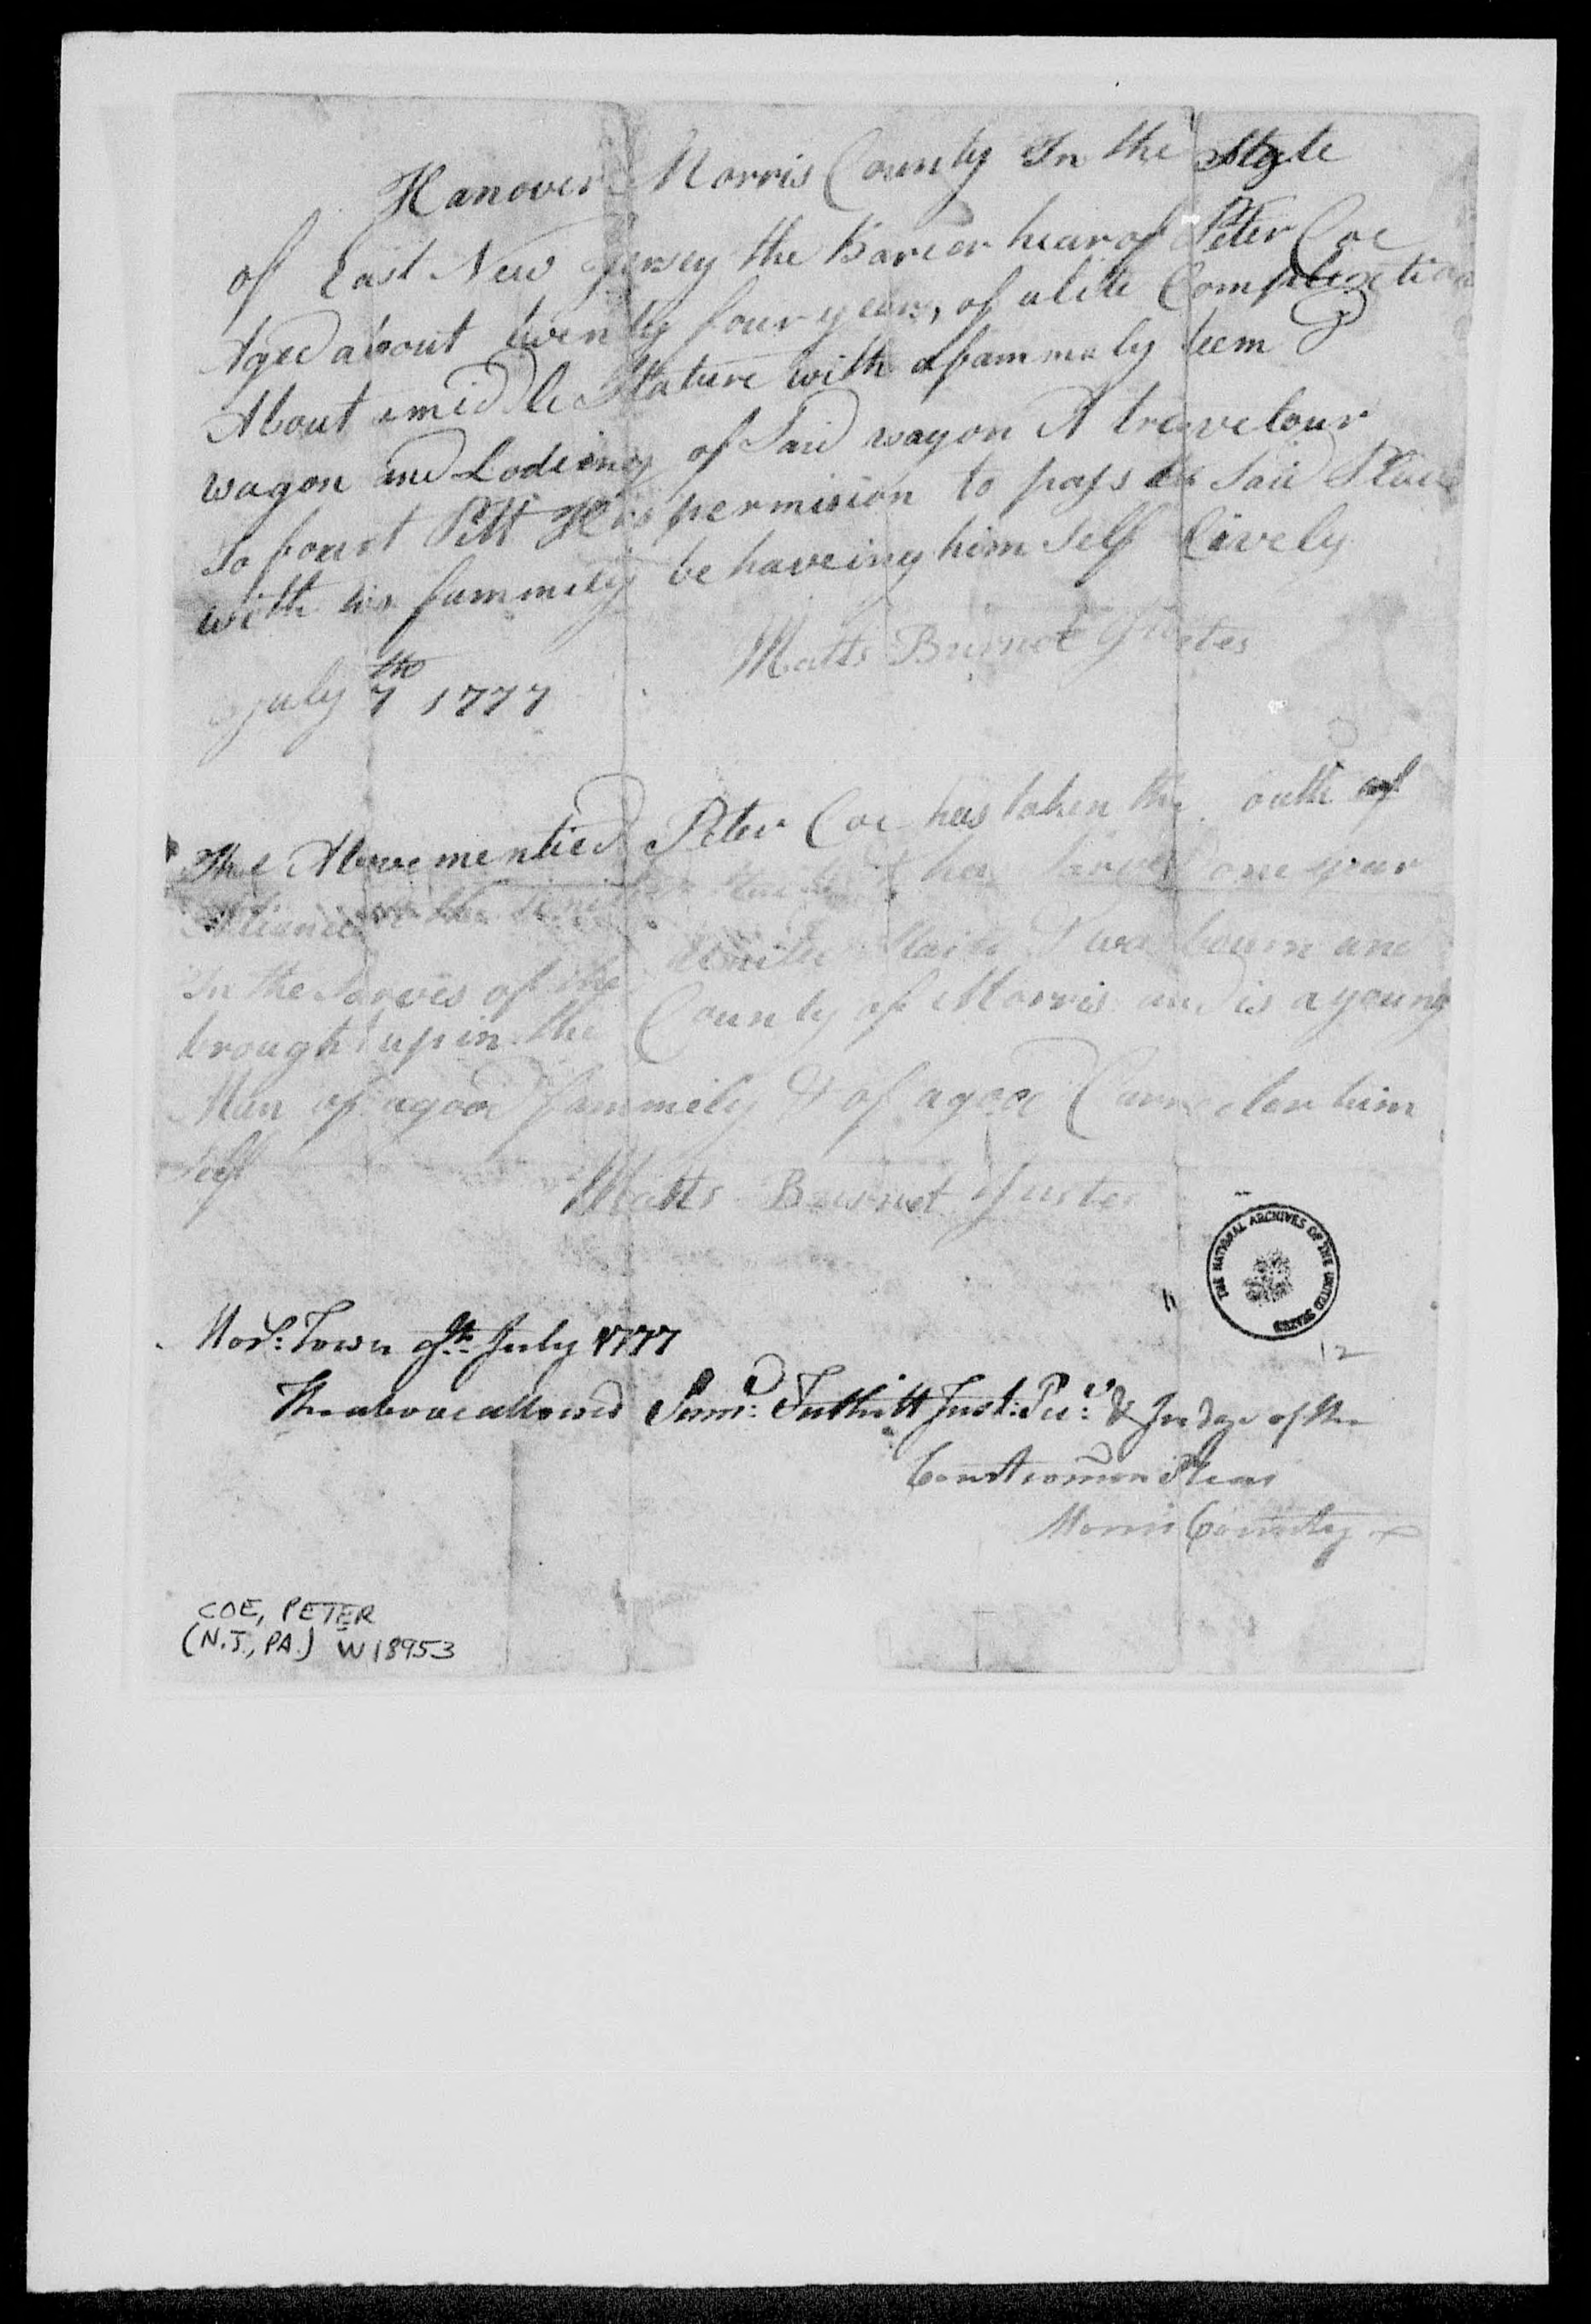Hanover Morris County in the State of East New Jersey the [illegible Barior] hear of Peter Coe Aged about twenty four years, of a lite Complextion About a middle Stature with a fammaly teem wagon and Lodeing of said wagon A travelour to fourt Pitt [illegible]permission to pass the said place with his fammily be haveing him self lively. 
July 7th 1777
Matts Burnet Justes

The Above mentied Peter Coe has taken the oath of Alliance of the United States & he served one year In the servis of the United States. I was bourn and brought up in the County of MOrris and is a young Man of a good fammily & of a good Carrecter him self
Matts Burnet Justes
[STAMP] THE NATIONAL ARCHIVES OF THE UNITED STATES

Mors: Pension of July 1777
The above allowed Saml. Thuthitt Justice : & Judge of the Court common Pleas
Morris County

COE, PETER
(J.J., PA.) W18953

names: Saml Tuthitt, Matts Burnet, Peter Coe, Peter Coe, Matts Burnet, Peter Coe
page: 10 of 23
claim: survivor's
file: S. 3167, Peter Coe, New Jersey Penn.